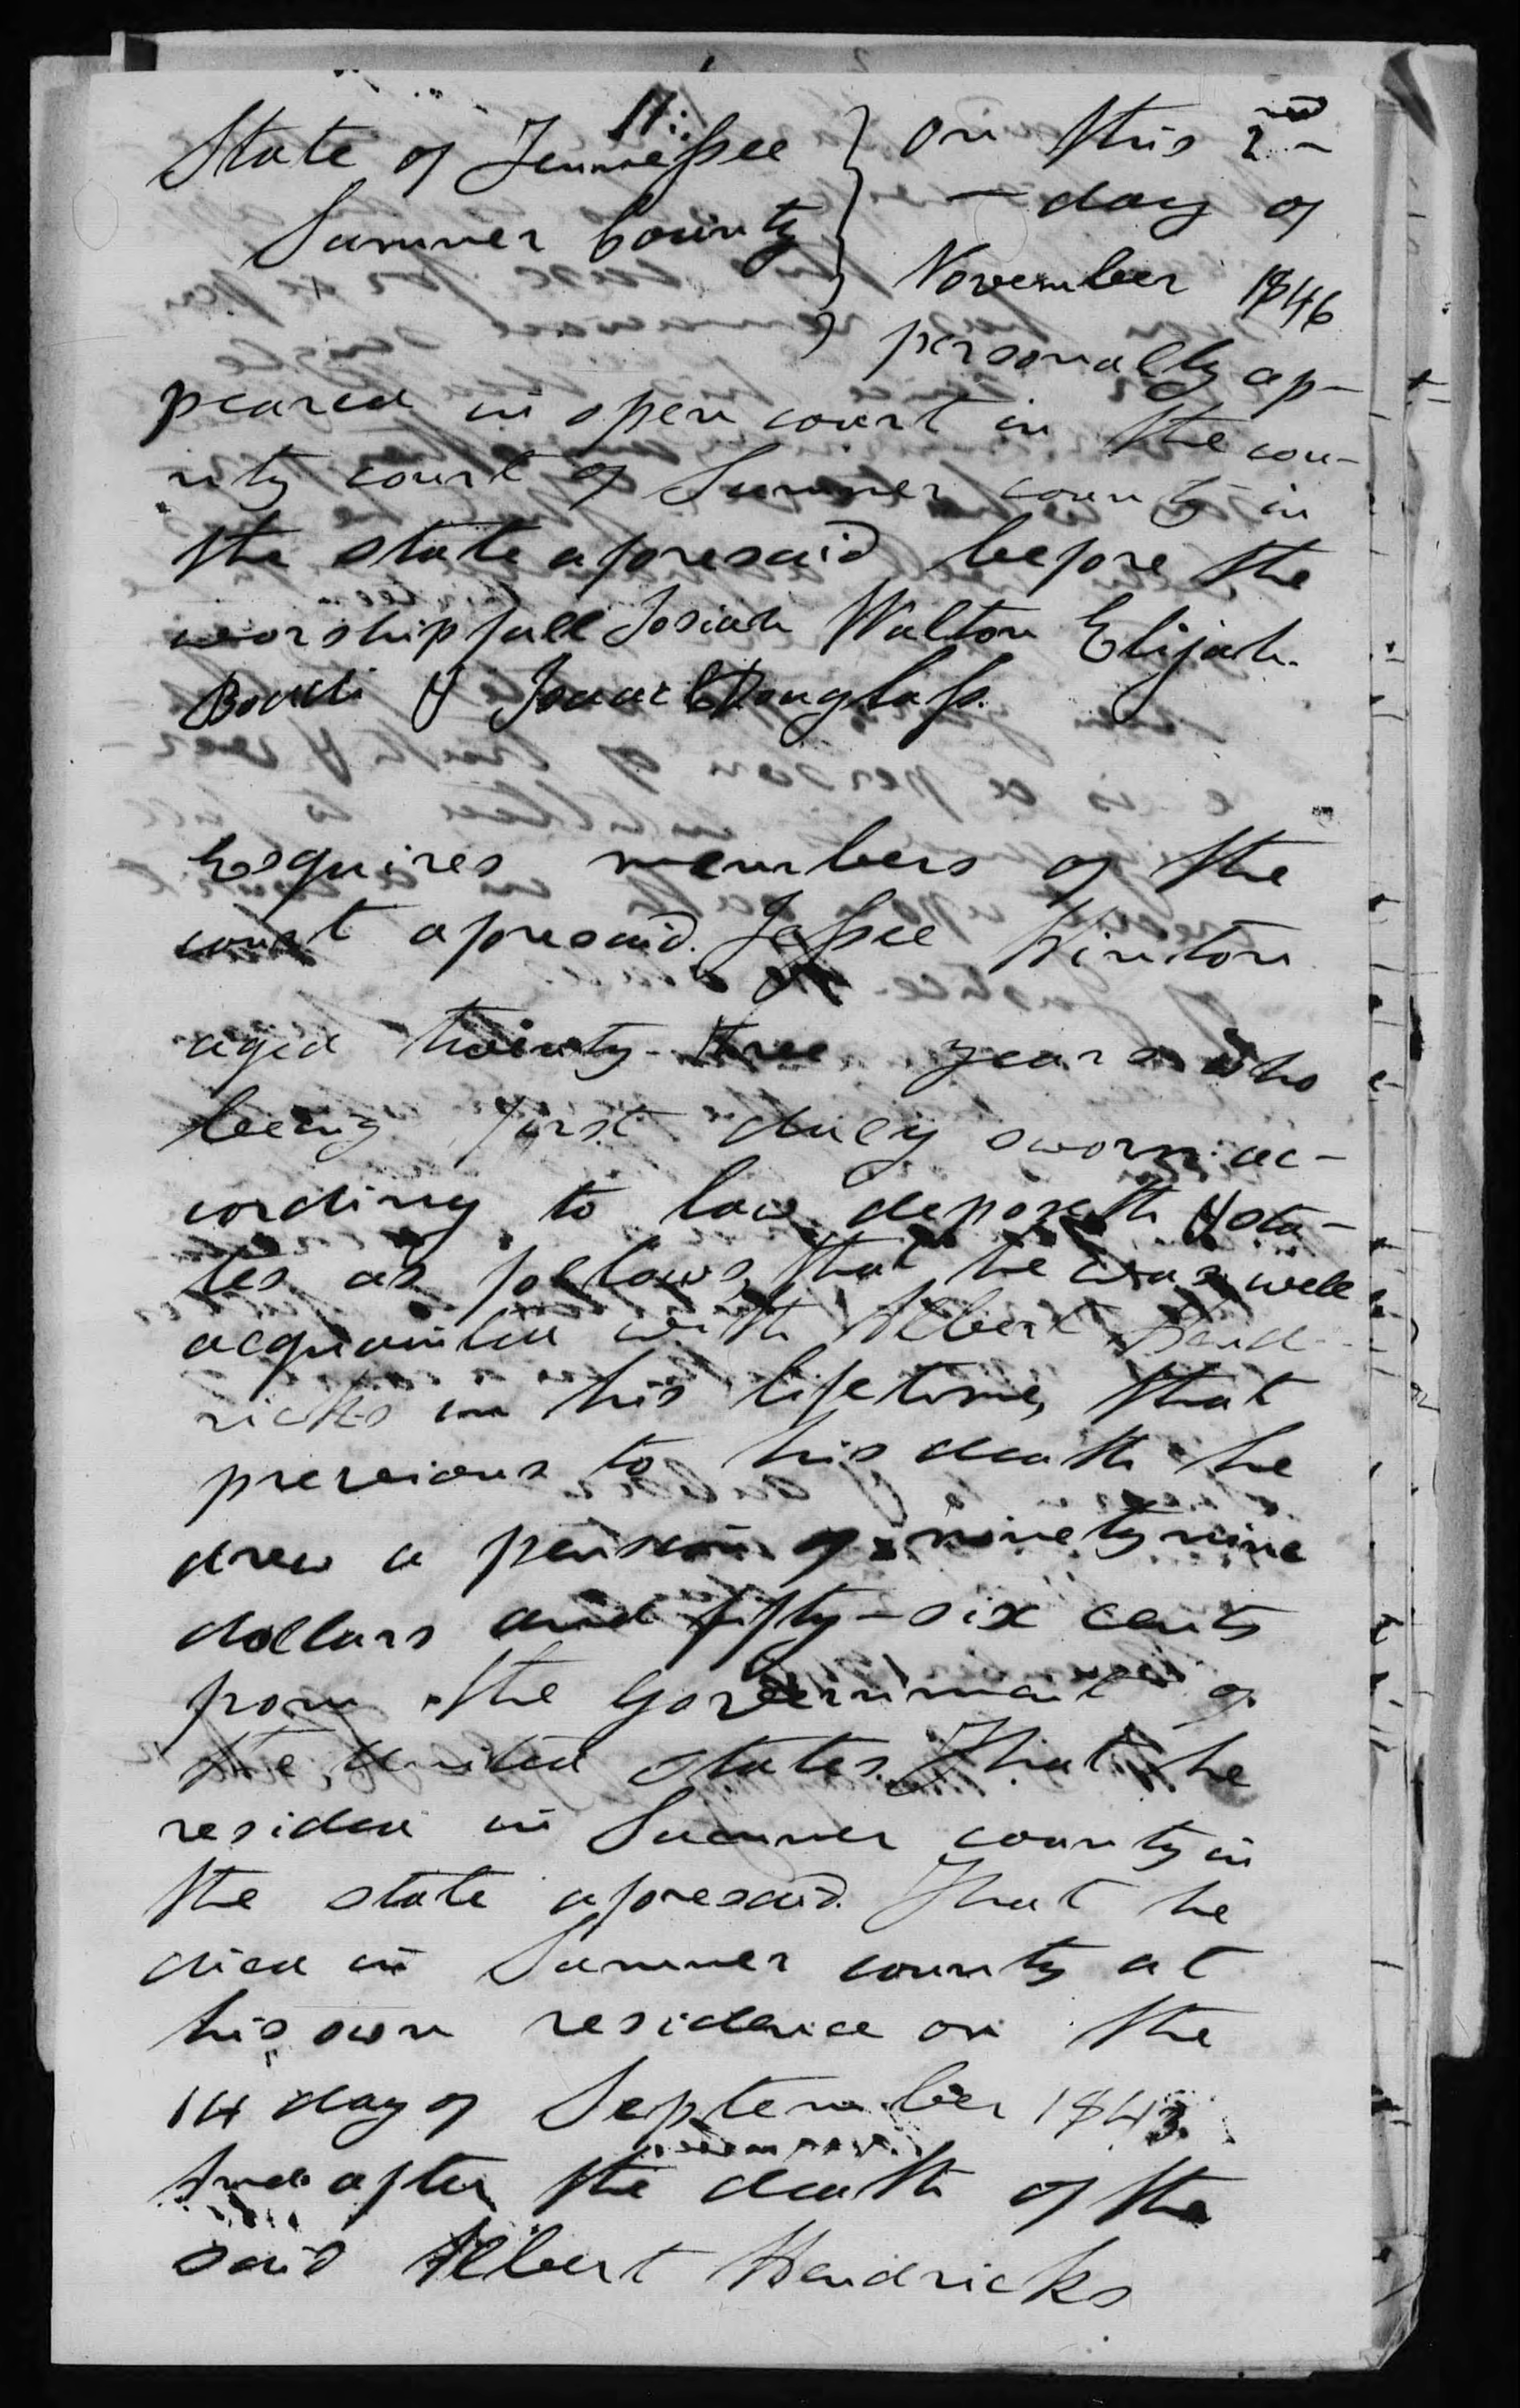State of Tennessee Summer County
On this 2nd day of November 1846 personally appeared in open court in the county court of Summer county in the state aforesaid before the worshipfull Josiah Walton Elijah Boddi & Isaac Douglass Esquires members of the court aforesaid Jessee Hinton aged twenty-three years who being first duly sworn according to law deposeth & states as follows that he was well acquainted with Albert Hendricks in his lifetime, that previous to his death he drew a pension of ninety nine dollars and fifty-six cents from the government of the United States. That he resided in Summer county in the state aforesaid. That he died in Summer county at his own residence on the 14 day of September 1843. And after the death of the said Albert Hendricks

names: Isaac C Douglass, Josiah Walton, Albert Hendricks, Albert Hendricks, Elijah Boddi, Jessee Hinton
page: 33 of 76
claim: widow's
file: W. 83, Albert Hendricks, Continental Md. N.C.